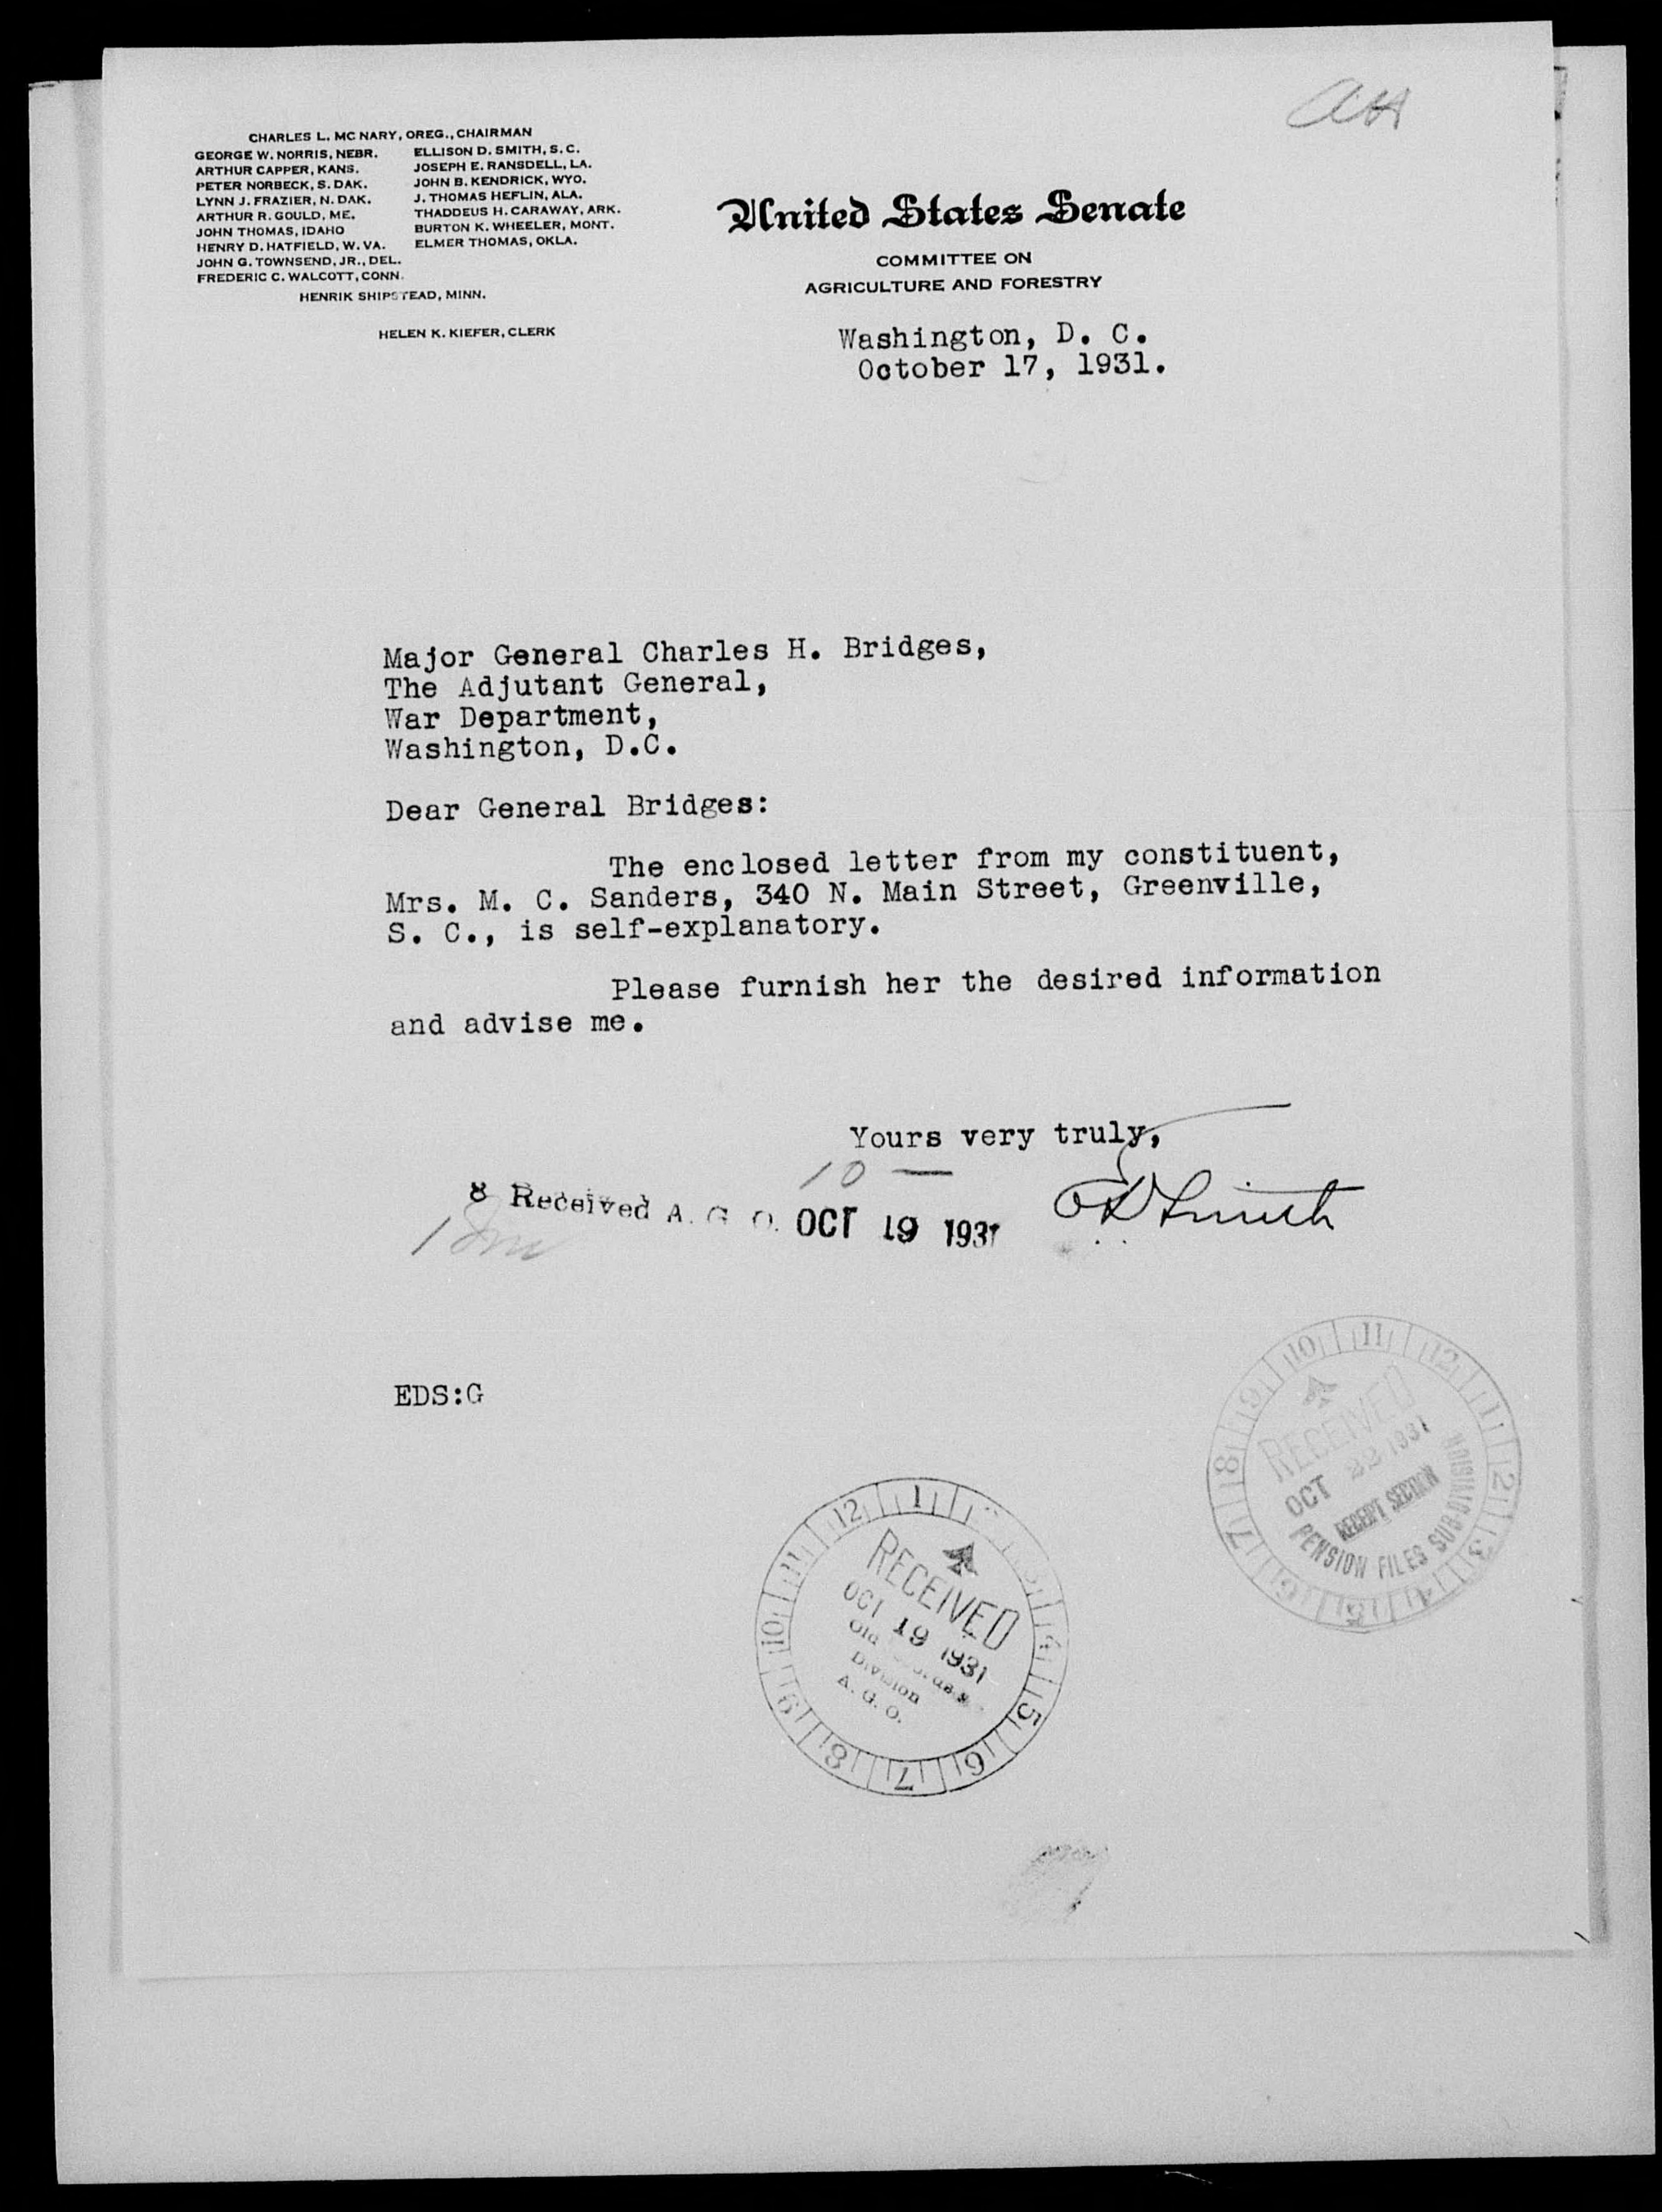[preceding text found in top left margin]
Charles. MC Nary, OREG., CHAIRMAN
GEORGE W. NORRIS, NEBR. ELLISON D. SMITH, S.C.
ARTHUR CAPPER, KANS. JOSEPH E. RANSDELL, L.A.
PETER NORBECK, S.DAK. JOHN B. KENDRICK, WYO.
LYNN J. FRAZIER, N. DAK. J. THOMAS HEFLIN, ALA.
ARTHUR R. GOULD, ME. THADDEUS H. CARAWAY, ARK.
JOHN THOMAS, IDAHO BURTON K. WHEELER, MONT.
HENRY D. HATSFIELD, W. VA. ELMER THOMAS, OKLA.
JOHN G. TOWNSEND, JR., DEL.
FEDERIC C. WALCOTT, CONN.
HENRIK SHIPSTEAD, MINN.
HELEN K. KIEFER, CLERK

AH

United States Senate
COMMITTEE ON
AGRICULTURE AND FORESTRY
WASHINGTON, D.C.
OCTOBER 27, 1931.

Major General Charles H. Bridges,
The Adjustment General,
War Department,
Washington, D.C.

Dear General Bridges:
The enclosed letter from my constituent, Mrs. M. C. Sanders, 340 N. Main Street, Greenville, S. C., is self-explanatory
Please furnish her the disered information and advise me.

Yours very truly, 10 - E D Birch
8 Received A. G. O. OCT 19 1931
1 gm

EDS:G

[ink stamp "RECEIVED OCT 19 1931
Old [illegible] Division A. G. O."]
[ink stamp "RECEIVED OCT 22 1931 RECEIPT SECTION PENSION FILS SUB DIVISION"]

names: George W Norris; M C Sanders; Charles H Bridges; Elmer Thomas; John G Townsend; J Thomas Heflin; Henry D Hatfield; Frederic C Walcott; Thaddeus H Caraway; Joseph E Ransdell; John Thomas; Arthur Capper; E D Smith; Burton K Wheeler; Arthur R Gould; Helen Kiefer; Charles L Mc Nary; Peter Norbeck; Ellison D Smith; John B Kenorick; Lynn J Frazier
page: 89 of 92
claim: widow's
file: W. 5522, for James Pettigrew, South Carolina